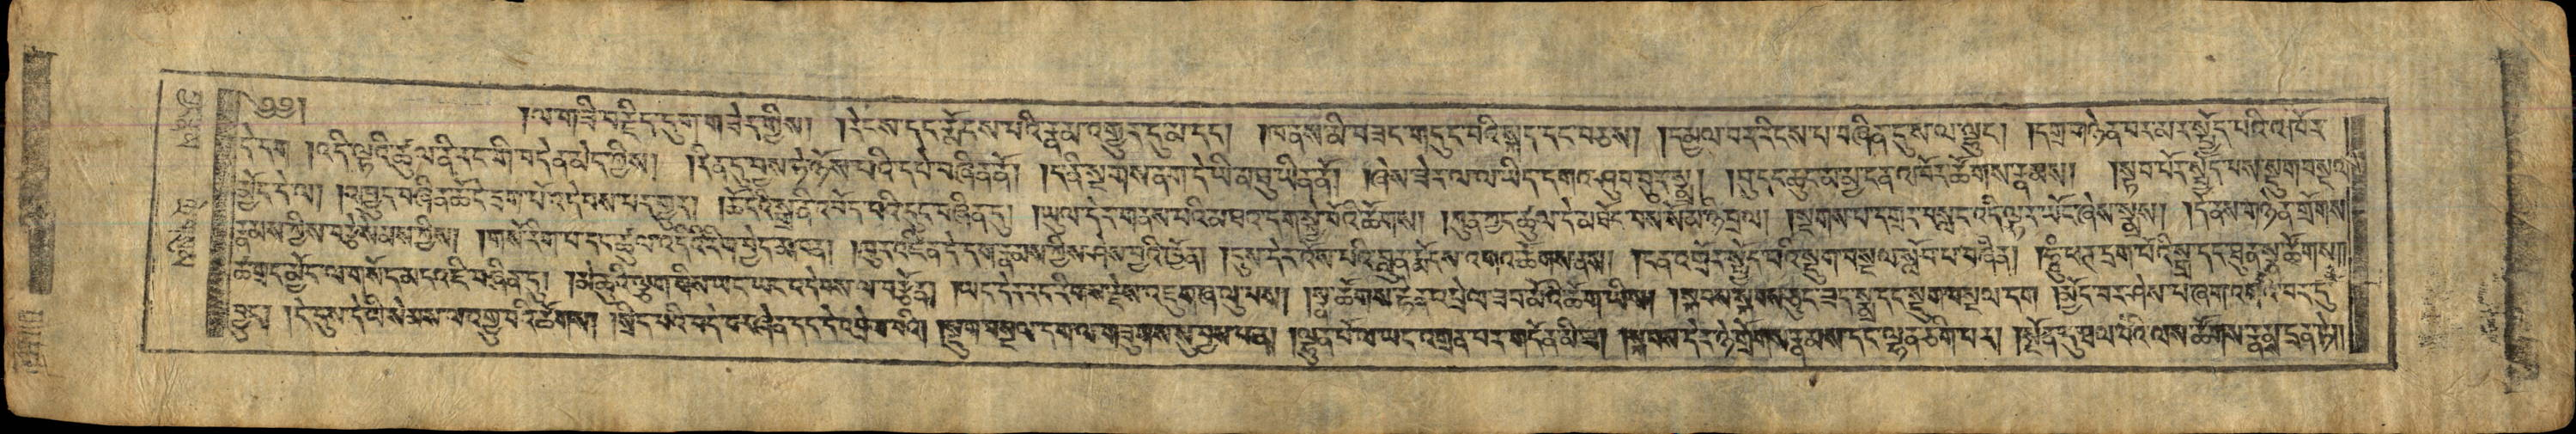༄༅། །ལ་གཟི་བརྗིད་དུག་གཟེར་གྱིས། །རེངས་དང་རྨོངས་པའི་རྣམ་འགྱུར་དུ་མ་དང་། །ཁ་ནས་མི་བཟང་གདུང་བའི་སྐད་དང་བཅས། །དམྱལ་བར་རིངས་པ་བཞིན་དུས་ལ་ལྷུང་། །དགྲ་གཉེན་བར་མར་སྤྱོད་པའི་འཁོར་
དེ་དག །འདི་ལྟའི་ཚུལ་ནི་རང་གི་བདེན་མེད་ཀྱིས། །རིན་དུ་བྱས་ཏེ་ཉོས་པའི་དཔེ་བཞིན་ནོ། །ད་ནི་སྔགས་ནག་དེ་ཡི་མཐུ་ཡིན་ནོ། །ཞེས་ཟེར་ལ་ལ་ཡིད་དགའ་ཤུབ་བུར་སྨྲ། །བུ་དང་ཆུང་མ་མྱ་ངན་འཁོར་ཚོགས་རྣམས། །སྟབ་པོར་སྤྱོད་པས་སྡུག་བསྔལ་
མྱོང་དེ་ལ། །འཁྱུད་བཞིན་ཆོ་ངེ་དྲག་པོ་འདེབས་པར་གྱུར་།ཆོ་དེའི་སྒྲ་ནི་འབོད་པའི་དུང་བཞིན་དུ། །ཡུལ་དེར་གནས་པའི་མཐའ་དག་སྐྱེ་བོའི་ཚོགས། །ཀུན་ཀྱང་ཚུལ་དེ་མཐོང་བས་སོམ་ཉི་བྲལ། །སྔགས་པ་དགྲར་བསླང་འདི་ལྟར་ཡོང་ཞེས་སྨྲས། །དེ་ནས་གཉེན་གྲོགས་
རྣམས་ཀྱིས་བརྩེ་སེམས་ཀྱིས། །གསོ་རིག་པ་དང་ཚུལ་འདིའི་རིག་བྱེད་མཁན། །ཁུར་འཛིན་དེ་དག་རྣམས་ཀྱིས་ཤེས་བྱའི་ཁྱོན། །དུས་དེར་འོས་པའི་བླུན་རྨོངས་འགའ་ཚོགས་ནས། །ངན་འགྲོར་སྤྱོད་པའི་སྡུག་བསྔལ་སློབ་པ་བཞིན། །ཧཱུཾ་ཕཊ་དྲག་པོའི་སྒྲ་དང་ཐུན་སྣ་ཚོགས།།
ཚ་གྲང་མྱོང་ལ་གསོད་མངའ་ཇི་བཞིན་དུ། །མེ་ཆུའི་ལྕག་གིས་ཡང་ཡང་འདེབས་ལ་བརྩོན། །ཡང་དེར་རང་རིགས་རྗེས་འཇུག་ཞ་ལུ་པས། །སྣ་ཚོགས་རྟེན་འབྲེལ་ཟབ་མོའི་ཆོ་ག་ཡིས། །སྐབས་སྐབས་ཅུང་ཟད་སྨྲ་དང་སྡུག་བསྔལ་དག །མྱོང་བར་ཤེས་པ་ཞག་འགྲའི་བར་དུ་
བྱུང་། །དེ་དུས་ད་ཡི་སེམས་ལ་འགྱུ་བའི་ཚོགས། །སྲིད་པའི་བདེ་བར་ཞེན་དང་དེ་འབྲེལ་བའི། །སྡུག་བསྔལ་དག་ལ་གཟུགས་སུ་བྱས་པ་ན། །ལྷུན་པོ་ལ་ཡང་འགྲན་བར་གདོན་མི་ཟ། །སྐབས་དེར་ཉེ་གྲོགས་རྣམས་དང་ལྷན་ཅིག་པར། །སྔོན་དུ་ཐལ་བའི་ལས་ཚོགས་རྣམས་དྲན་ཏེ།།